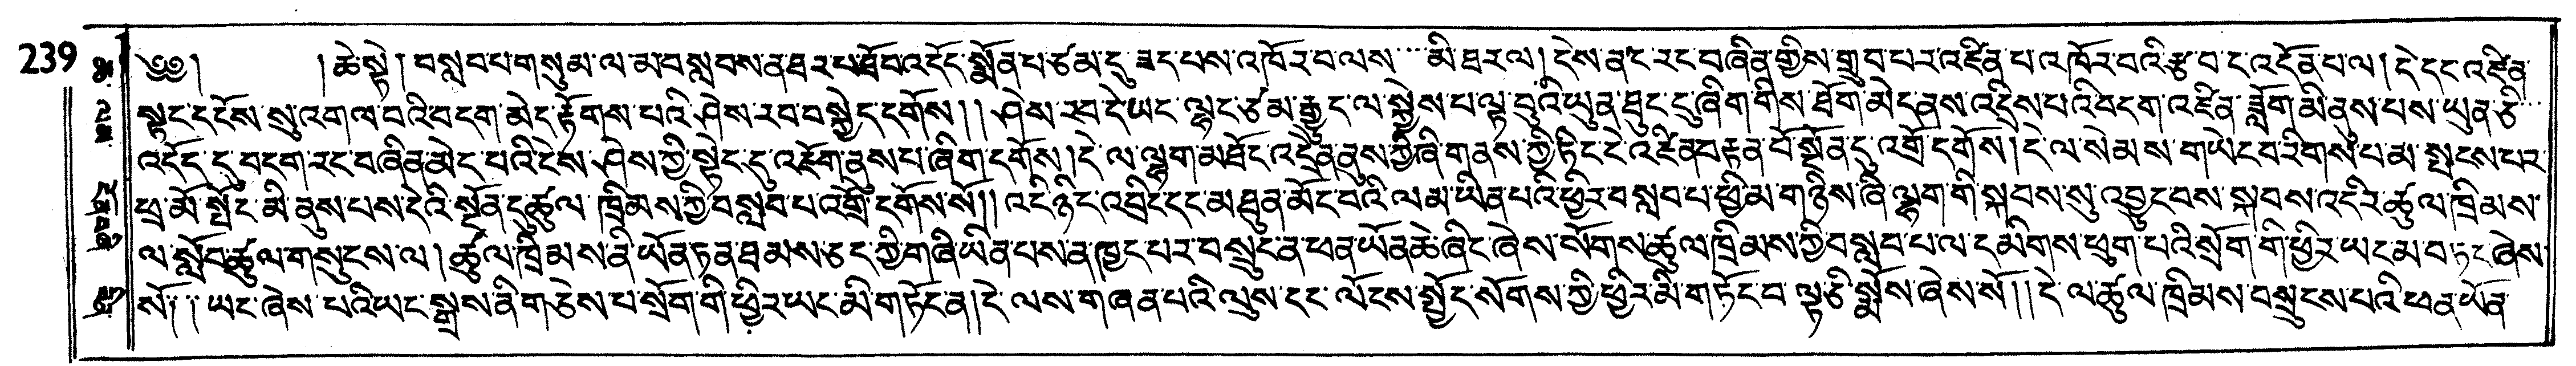༄༅། །ཆེ་སྟེ། བསླབ་པ་གསུམ་ལ་མ་བསླབས་ན་ཐར་པ་ཐོབ་འདོད་སྨིན་པ་ཙམ་དུ་ཟད་པས་འཁོར་བ་ལས་མི་ཐར་ལ། དེས་ནང་རང་བཞིན་གྱིས་གྲུབ་པར་འཛིན་པ་འཁོར་བའི་རྩ་བ་ང་འདོན་པ་ལ། དེ་དང་འཛིན་
སྟང་དངོས་སུ་འགལ་བའི་བདག་མེད་རྟོགས་པའི་ཤེས་རབ་བསྐྱེད་དགོས། །ཤེས་རབ་དེ་ཡང་ལྷང་ཙམ་རྒྱུད་ལ་སྐྱེས་པ་ལྟ་བུའི་ཡུན་ཐུང་ངུ་ཞིག་གིས་ཐོག་མེད་ནས་འདྲིས་པའི་བདག་འཛིན་ཟློག་མི་ནུས་པས་ཡུན་ཅི་
འདོད་དུ་བདག་རང་བཞིན་མེད་པའི་ངེས་ཤེས་ཀྱི་སྟེང་དུ་འཇོག་ནུས་པ་ཞིག་དགོས། དེ་ལ་ལྷག་མཐོང་འདྲེན་ནུས་ཀྱི་ཞི་གནས་ཀྱི་ཏིང་ངེ་འཛིན་བརྟན་པོ་སྔོན་དུ་འགྲོ་དགོས། དེ་ལ་སེམས་གཡེང་བ་རིགས་པ་མ་སྤངས་པར་
ཕྲ་མོ་སྤོང་མི་ནུས་པས་དེའི་སྔོན་དུ་ཚུལ་ཁྲིམས་ཀྱི་བསླབ་པ་འགྲོ་དགོས་སོ། །འདི་ཉིད་འབྲིང་དང་མཐུན་མོང་བའི་ལམ་ཡིན་པའི་ཕྱིར་བསླབ་པ་ཕྱི་མ་གཉིས་ཞི་ལྷག་གི་སྐབས་སུ་འབྱུང་བས་སྐབས་འདིར་ཚུལ་ཁྲིམས་
ལ་སློབ་ཚུལ་གསུངས་ལ། ཚུལ་ཁྲིམས་ནི་ཡོན་ཏན་ཐམས་ཅད་ཀྱི་གཞི་ཡིན་པས་ན་ཁྱད་པར་བསྲུང་ན་ཕན་ཡོན་ཆེ་ཞིང་ཞེས་སོགས་ཚུལ་ཁྲིམས་ཀྱི་བསླབ་པ་ལ་དམིགས་ཕུག་པའི་སྲོག་གི་ཕྱིར་ཡང་མ་བཏང་ཞེས་
སོ༑ ༑ཡང་ཞེས་པའི་ཡང་སྒྲས་ནི་གཅེས་པ་སྲོག་གི་ཕྱིར་ཡང་མི་གཏོང་ན། དེ་ལས་གཞན་པའི་ལུས་དང་ལོངས་སྤྱོད་སོགས་ཀྱི་ཕྱིར་མི་གཏོང་བ་ལྟ་ཅི་སྨོས་ཞེས་སོ། །དེ་ལ་ཚུལ་ཕྲིམས་བསྲུངས་པའི་ཕ་ཡོན་